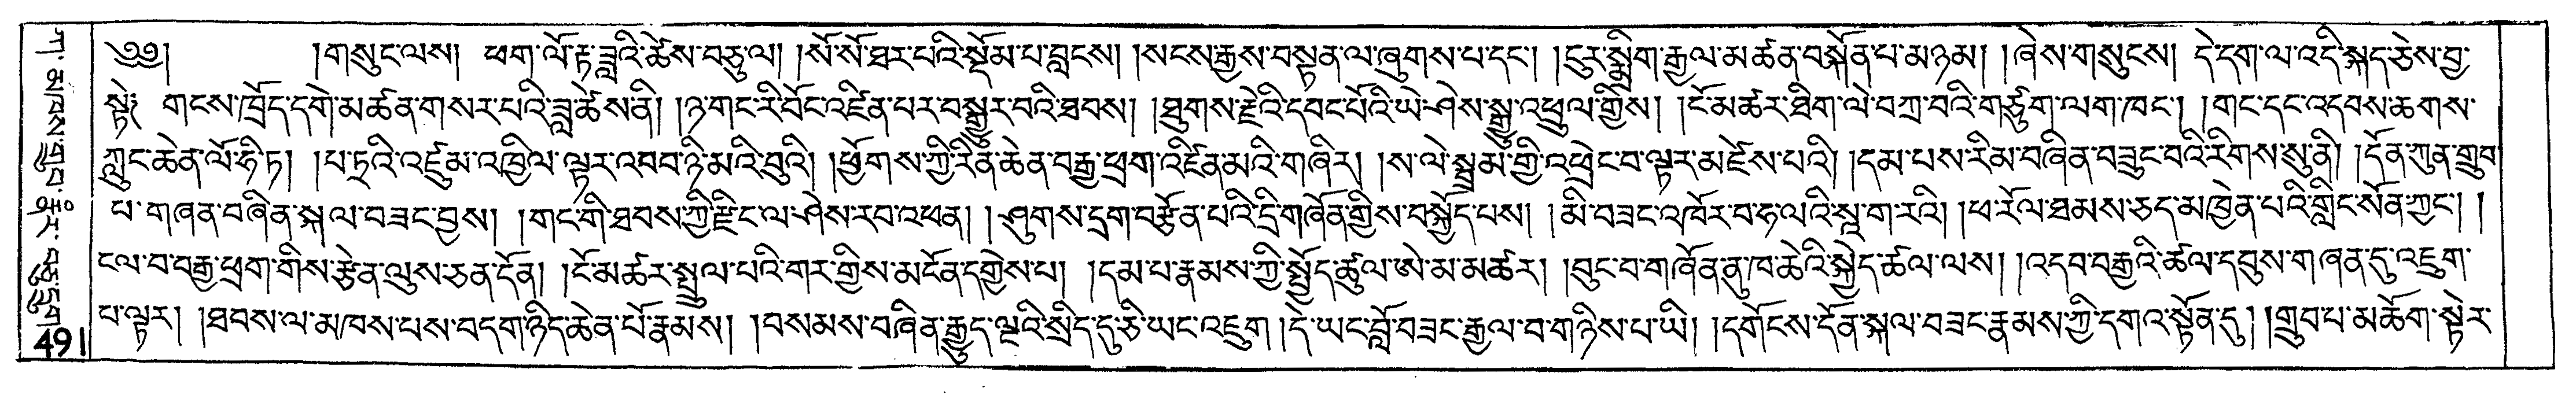༄༅། །གསུང་ལས། ཕག་ལོ་རྟ་ཟླའི་ཚེས་བཅུ་ལ། །སོ་སོ་ཐར་པའི་སྡོམ་པ་བླངས། །སངས་རྒྱས་བསྟན་ལ་ཞུགས་པ་དང་། །ངུར་སྨྲིག་རྒྱལ་མཚན་བསྐོན་པ་མཉམ། །ཞེས་གསུངས། དེ་དག་ལ་འདི་སྐད་ཅེས་བྱ་
སྟེ༑ གངས་ཁྲོད་དགེ་མཚན་གསར་པའི་ཟླ་ཚེས་ནི། །ཉ་གང་རི་བོང་འཛིན་པར་བསྒྱུར་བའི་ཐབས། །ཐུགས་རྗེའི་དབང་པོའི་ཡེ་ཤེས་སྒྱུ་འཕྲུལ་གྱིས། །ངོ་མཚར་ཐིག་ལེ་བཀྲ་བའི་གཙུག་ལག་ཁང་། །གང་དང་འདབས་ཆགས་
ཀླུང་ཆེན་ལོ་ཧི་ཏ། །པ་ཏྲའི་འཛུམ་འཁྱིལ་ལྟར་འབབ་ཉི་མའི་བུའི། །ཕྱོགས་ཀྱི་རིན་ཆེན་བརྒྱ་ཕྲག་འཛིན་མའི་གཞིར། །ས་ལེ་སྦྲམ་གྱི་འཕྲེང་བ་ལྟར་མཛེས་པའི། །དམ་པས་རིམ་བཞིན་བཟུང་བའི་རིགས་སུ་ནི། །དོན་ཀུན་གྲུབ་
པ་གཞན་བཞིན་སྐལ་བཟང་བྱས། །གང་གི་ཐབས་ཀྱི་རྫིང་ལ་ཤེས་རབ་འཕན། །ཤུགས་དྲག་བརྩོན་པའི་དྲི་གཞོན་གྱིས་བསྐྱོད་པས། །མི་བཟང་འཁོར་བ་ལྷ་ལའི་སཱ་ག་རའི། །ཕ་རོལ་ཐམས་ཅད་མཁྱེན་པའི་གླིང་སོན་ཀྱང་། །
ངལ་བ་བརྒྱ་ཕྲག་གིས་རྩེན་ལུས་ཅན་དོན། །ངོ་མཚར་སྤྲུལ་པའི་གར་གྱིས་མངོན་དགྱེས་པ། །དམ་པ་རྣམས་ཀྱི་སྤྱོད་ཚུལ་ཨེ་མ་མཚར། །བུང་བ་གཞོན་ནུ་ཁ་ཆེའི་སྐྱེད་ཚལ་ལས། །འདབ་བརྒྱའི་ཚལ་དབུས་གཞན་དུ་འཇུག་
པ་ལྟར། །ཐབས་ལ་མཁས་པས་བདག་ཉིད་ཆེན་པོ་རྣམས། །བསམས་བཞིན་རྒྱུད་ལྔའི་སྲིད་དུ་ཅི་ཡང་འཇུག །དེ་ཡང་བློ་བཟང་རྒྱལ་བ་གཉིས་པ་ཡི། །དགོངས་དོན་སྐལ་བཟང་རྣམས་ཀྱི་དགའ་སྟོན་དུ། །གྲུབ་པ་མཆོག་སྟེར་